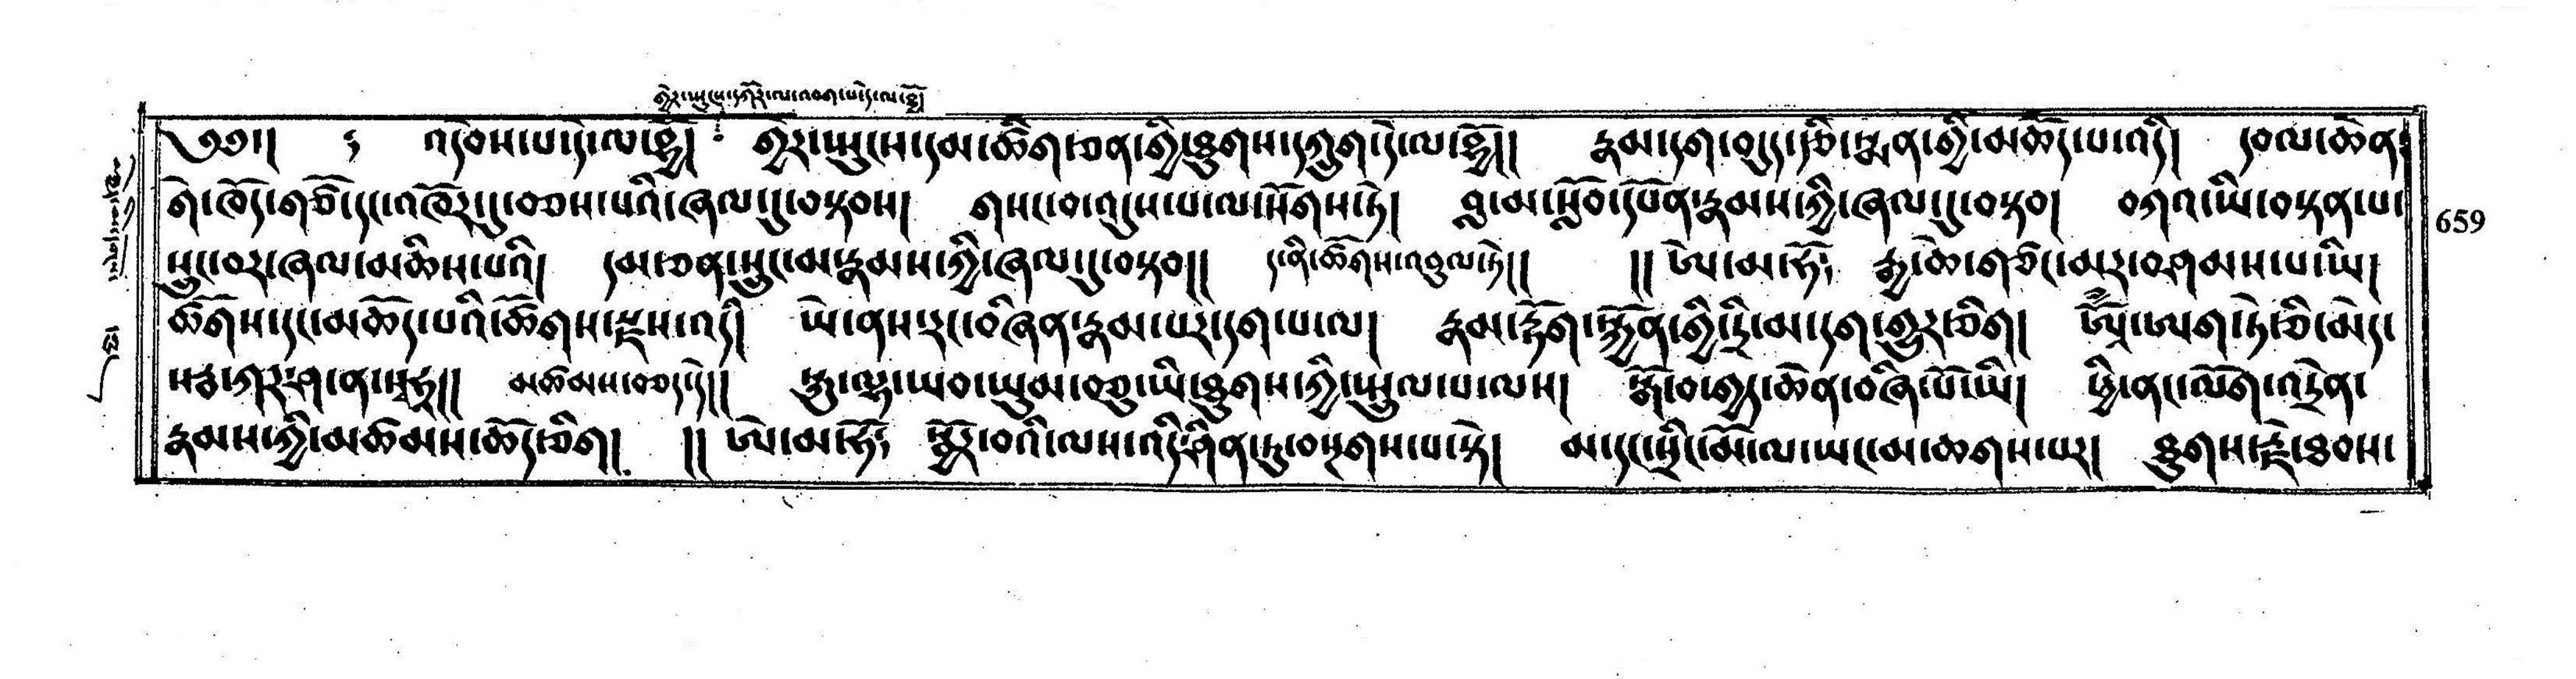འདེབས་པ་དེ་ལ་བྷྱོ། གྱེར་སྤུངས་དཀོར་ལ་འབག་པ་དེ་ལ་བྷྱོ། གྱེར་སྤུངས་དམ་ཚིག་ཅན་གྱི་ཐུགས་དཀྲུག་དེ་ལ་བྷྱོ།། རྣམ་དག་བདུད་རྩི་སྨན་གྱི་མཆོད་པ་འདི། དབལ་ཆེན་
གེ་ཁོད་གཙོ་དང་འཁོར་དུ་བཅས་པའི་ཞལ་དུ་བསྟབས། གསང་བ་འདུས་པ་ལ་སོགས་ཏེ། བླ་མ་སློབ་དཔོན་རྣམས་ཀྱི་ཞལ་དུ་བསྟབ། བཀའ་ཡི་བསྟན་པ་
སྲུང་བར་ཞལ་མཆིས་པའི། དམ་ཅན་སྲུང་མ་རྣམས་ཀྱི་ཞལ་དུ་བསྟབ།། ད་ནི་ཚོགས་འབུལ་ཏེ།། །།ཨེ་མ་ཧོ། རྒྱ་ཆེ་གཙང་མར་བཤམས་པ་ཡི། 
ཚོགས་དང་མཆོད་པའི་ཚོགས་རྫས་འདི། ཡེ་ནས་རང་བཞིན་རྣམ་པར་དག་པ་ལ། རྣམ་རྟོག་སྐྱོན་གྱི་དྲི་མ་དག་གྱུར་ཅིག ཨཱོཾ་ཨག་ཏེ་ཅི་མེད་
སརྦ་ཀར་ཤ་ན་སྭཧཱ།། མཚམས་བཅད་དེ།། སྐུ་ལྷ་ཡབ་ཡུམ་བཅུ་ཡི་ཐུགས་ཀྱི་སྤྲུལ་པ་ལས། སྒོ་བ་གྱད་ཆེན་བཞི་པོ་ཡི། ཕྱི་ནང་ལོག་འདྲེན་
རྣམས་ཀྱི་མཚམས་ཆོད་ཅིག །།ཨེ་མ་ཧོ སྦྱོར་བའི་ལས་འདི་ཤིན་ཏུ་བསྔགས་པ་སྟེ། མ་དང་སྲིང་མོ་ལ་ཡང་མ་ཆགས་པར། ཐུགས་རྗེ་ཐབས་